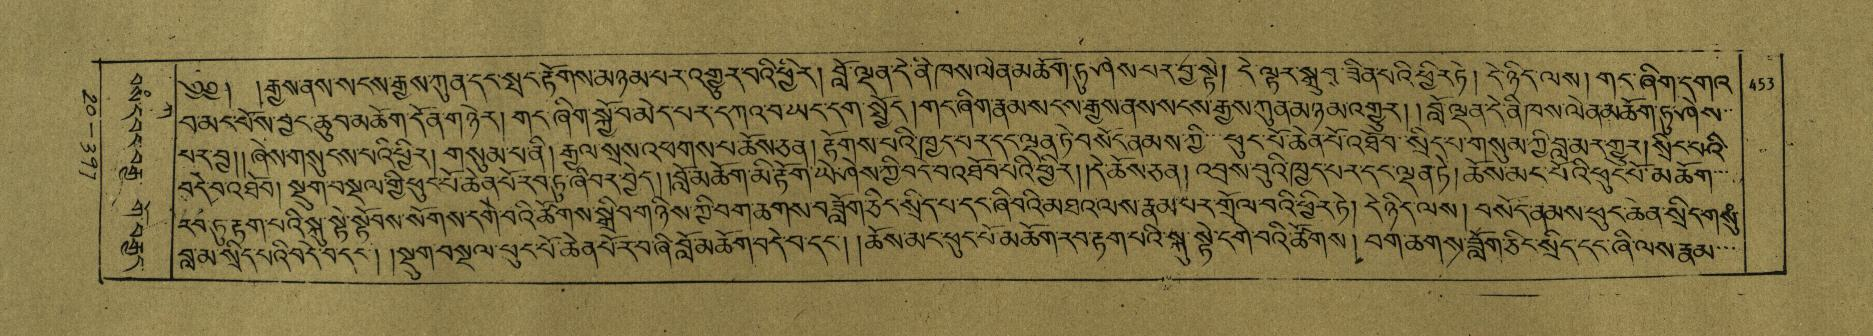༄༅། །རྒྱས་ནས་སངས་རྒྱས་ཀུན་དང་སྤང་རྟོགས་མཉམ་པར་འགྱུར་བའི་ཕྱིར། བློ་ལྡན་དེ་ནི་ཁས་ལེན་མཆོག་ཏུ་ཤེས་པར་བྱ་སྟེ། དེ་ལྟར་སྒྲུབ་ཟིན་པའི་ཕྱིར་ཏེ། དེ་ཉིད་ལས། གང་ཞིག་དགའ་
བ་མང་པོས་བྱང་ཆུབ་མཆོག་དོན་གཉེར། གང་ཞིག་སྐྱོ་བ་མེད་པར་དཀའ་བ་ཡང་དག་སྤྱོད། གང་ཞིག་རྣམ་སངས་རྒྱས་ནས་སངས་རྒྱས་ཀུན་མཉམ་འགྱུར། །བློ་ལྡན་དེ་ནི་ཁས་ལེན་མཆོག་ཏུ་ཤེས་
པར་བྱ། །ཞེས་གསུངས་པའི་ཕྱིར། གསུམ་པ་ནི། རྒྱལ་སྲས་འཕགས་པ་ཆོས་ཅན། རྟོགས་པའི་ཁྱད་པར་དང་ལྡན་ཏེ་བསོད་ནམས་ཀྱི་ཕུང་པོ་ཆེན་པོ་འཐོབ་སྲིད་པ་གསུམ་ཀྱི་བླ་མར་གྱུར། སྲིད་པའི་
བདེ་བ་འཐོབ། སྡུག་བསྔལ་གྱི་ཕུང་པོ་ཆེན་པོ་རབ་ཏུ་ཞི་བར་བྱེད། །བློ་མཆོག་མི་རྟོག་ཡེ་ཤེས་ཀྱི་བདེ་བ་འཐོབ་པའི་ཕྱིར། །དེ་ཆོས་ཅན། འབྲས་བུའི་ཁྱད་པར་དང་ལྡན་ཏེ། ཆོས་མང་པོའི་ཕུང་པོ་མཆོག་
རབ་ཏུ་རྟག་པའི་སྐུ་སྟེ་སྟོབས་སོགས་དགེ་བའི་ཚོགས་སྒྲིབ་གཉིས་ཀྱི་བག་ཆགས་བཟློག་ཅིང་སྲིད་པ་དང་ཞི་བའི་མཐའ་ལས་རྣམ་པར་གྲོལ་བའི་ཕྱིར་ཏེ། དེ་ཉིད་ལས། བསོད་ནམས་ཕུང་ཆེན་སྲིད་གསུཾ་
བླ་མ་སྲིད་པའི་བདེ་བ་དང་། །སྡུག་བསྔལ་ཕུང་པོ་ཆེན་པོ་རབ་ཞི་བློ་མཆོག་བདེ་བ་དང་། །ཆོས་མང་ཕུང་པོ་མཆོག་རབ་རྟག་པའི་སྐུ་སྟེ་དགེ་བའི་ཚོགས། བག་ཆགས་ཟློག་ཅིང་སྲིད་དང་ཞི་ལས་རྣམ་